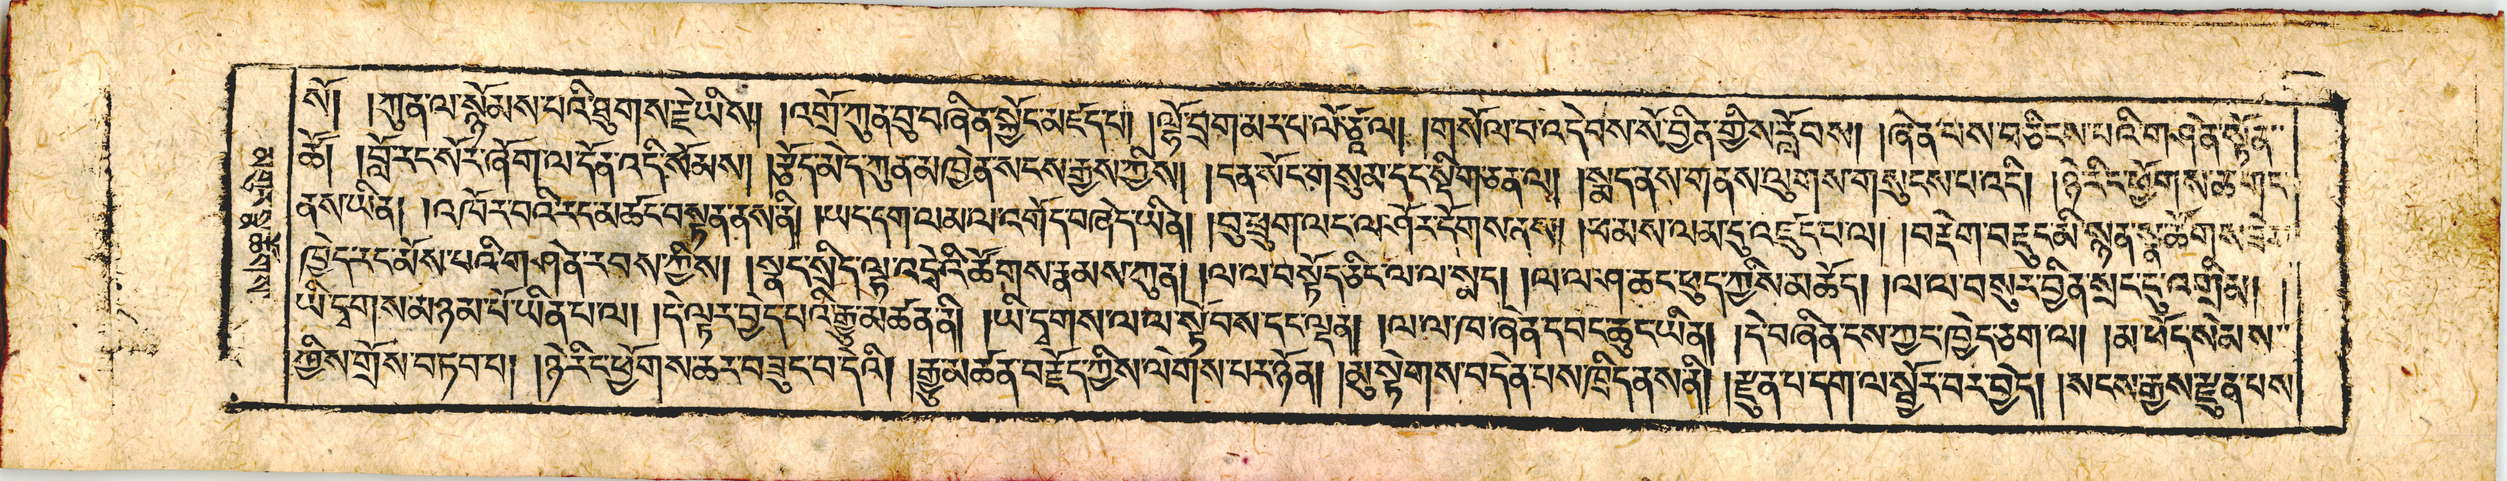ཀུན་ལ་སྙོམས་པའི་ཐུགས་རྗེ་ཡིས། །འགྲོ་ཀུན་བུ་བཞིན་སྐྱོང་མཛད་པ། །ལྷོ་བྲག་མར་པ་ལོ་ཙཱ་ལ། །གསོལ་བ་འདེབས་སོ་བྱིན་གྱིས་རློབས། །ཞེན་པས་བཅིངས་པའི་གཤེན་སྟོན་
ཚོ། །བློ་རང་སོར་ཞོག་ལ་དོན་འདི་སོམས། །རྩོད་མེད་ཀུན་མཁྱེན་སངས་རྒྱས་ཀྱིས། །ངན་སོང་གསུམ་དང་སྡིག་ཅན་ལ། །སྨད་ནས་གནས་ལུགས་གསུངས་པ་འདི། །ཉེ་རིང་ཕྱོགས་ཆ་གང་
ནས་ཡིན། །འཁོར་བའི་རང་མཚང་བསྟན་ནས་ནི། །ཡང་དག་ལམ་ལ་འགོད་བཞེད་ཡིན། །བུ་ཕྲུག་ལང་ལ་ཤོར་དོགས་ནས། །ཕ་མས་ལམ་དུ་འཛུད་པ་ལ། །བརྡེག་བརྡུང་མི་སྙན་སྣ་ཚོགས་ཟེར། །
ཁྱེད་རང་མོས་པའི་གཤེན་རབས་ཀྱིས། །སྣང་སྲིད་ལྷ་འདྲེའི་ཚོགས་རྣམས་ཀུན། །ལ་ལ་བསྟོད་ཅིང་ལ་ལ་སྨད། །ལ་ལ་ཤ་ཆང་ཕུད་ཀྱིས་མཆོད། །ལ་ལ་བསུར་བྱིན་སྲང་དུ་འགྲིམ། །
ཡི་དྭགས་མཉམ་པོ་ཡིན་པ་ལ། །དེ་ལྟར་བྱེད་པའི་རྒྱུ་མཚན་ནི། །ཡི་དྭགས་ལ་ལ་སྟོབས་དང་ལྡན། །ལ་ལ་ཁ་ཞན་དབང་ཆུང་ཡིན། །དེ་བཞིན་ངས་ཀྱང་ཁྱེད་ཅག་ལ། །མ་ཕོད་སེམས་
ཀྱིས་གྲོས་བཏབ་པ། །ཉེ་རིང་ཕྱོགས་ཆར་བཟུང་བ་དེའི། །རྒྱུ་མཚན་བརྗོད་ཀྱིས་ལེགས་པར་ཉོན། །མུ་སྟེགས་བདེན་པས་ཁྲིད་ནས་ནི། །རྫུན་པ་དག་ལ་སྦྱོར་བར་བྱེད། །སངས་རྒྱས་རྫུན་པས་